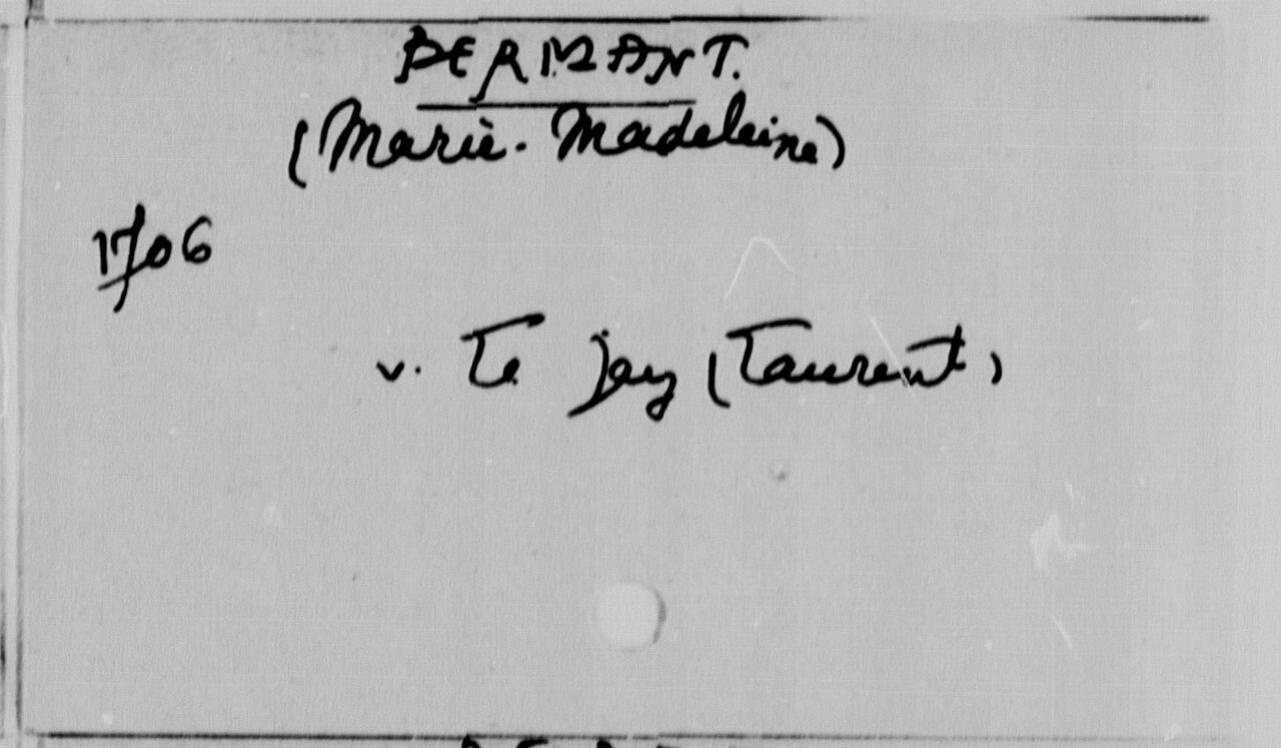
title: BERMANT (Marie-Madeleine)
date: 1706
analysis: Voir Le Jay (Laurent)
